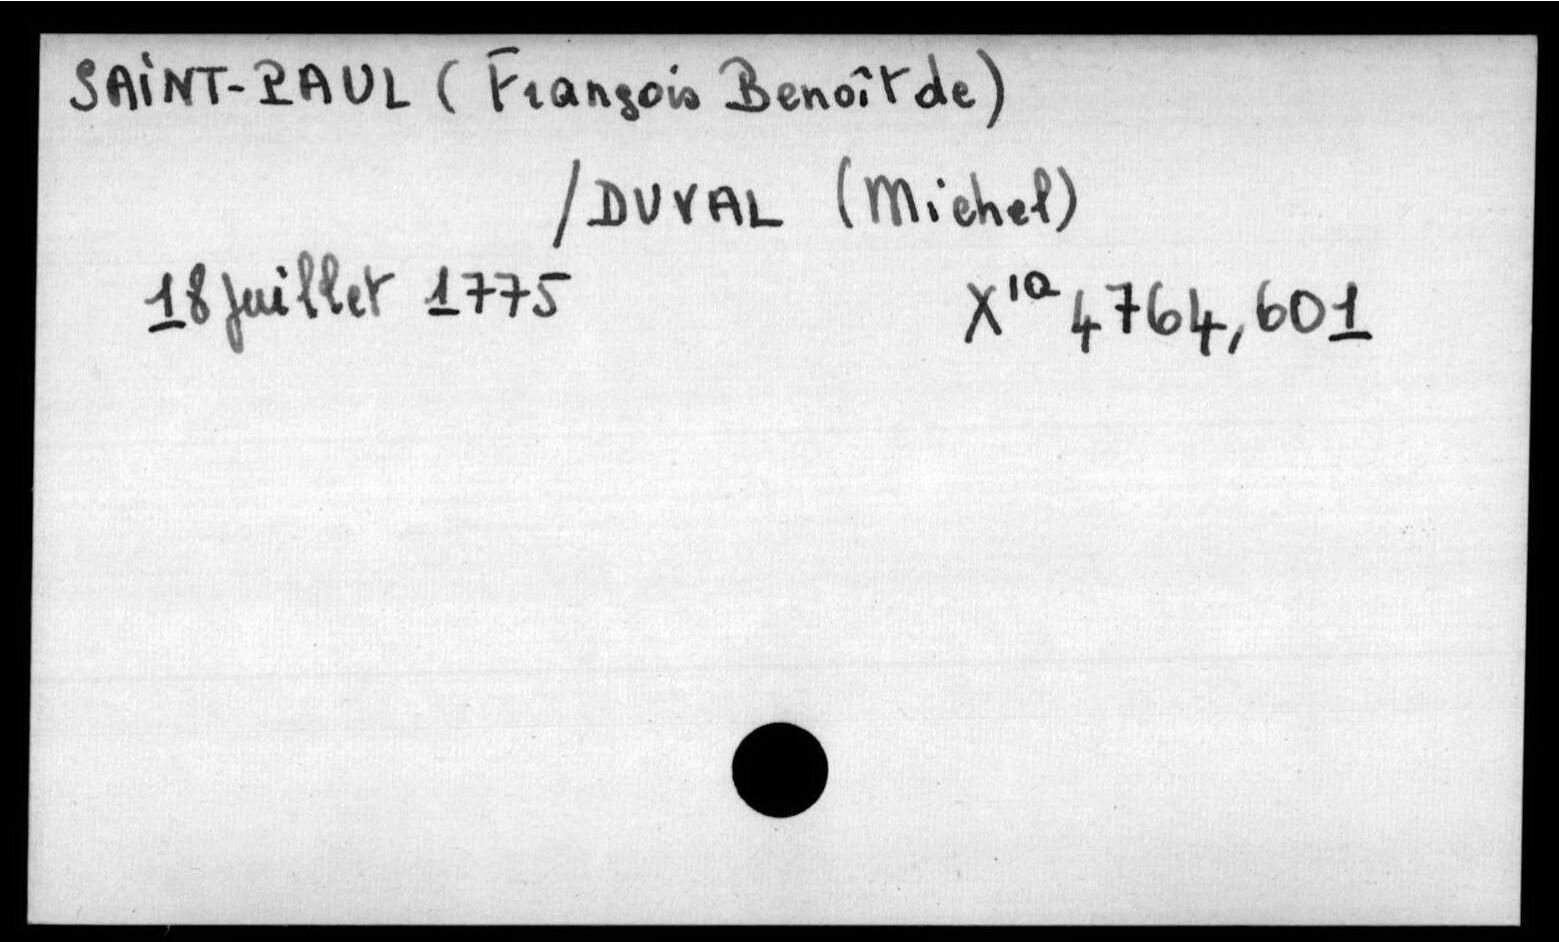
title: SAINT-PAUL (François Benoît de)
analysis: Contre DUVAL (Michel)
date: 18 juillet 1775
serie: X1a
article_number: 4764
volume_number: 601
